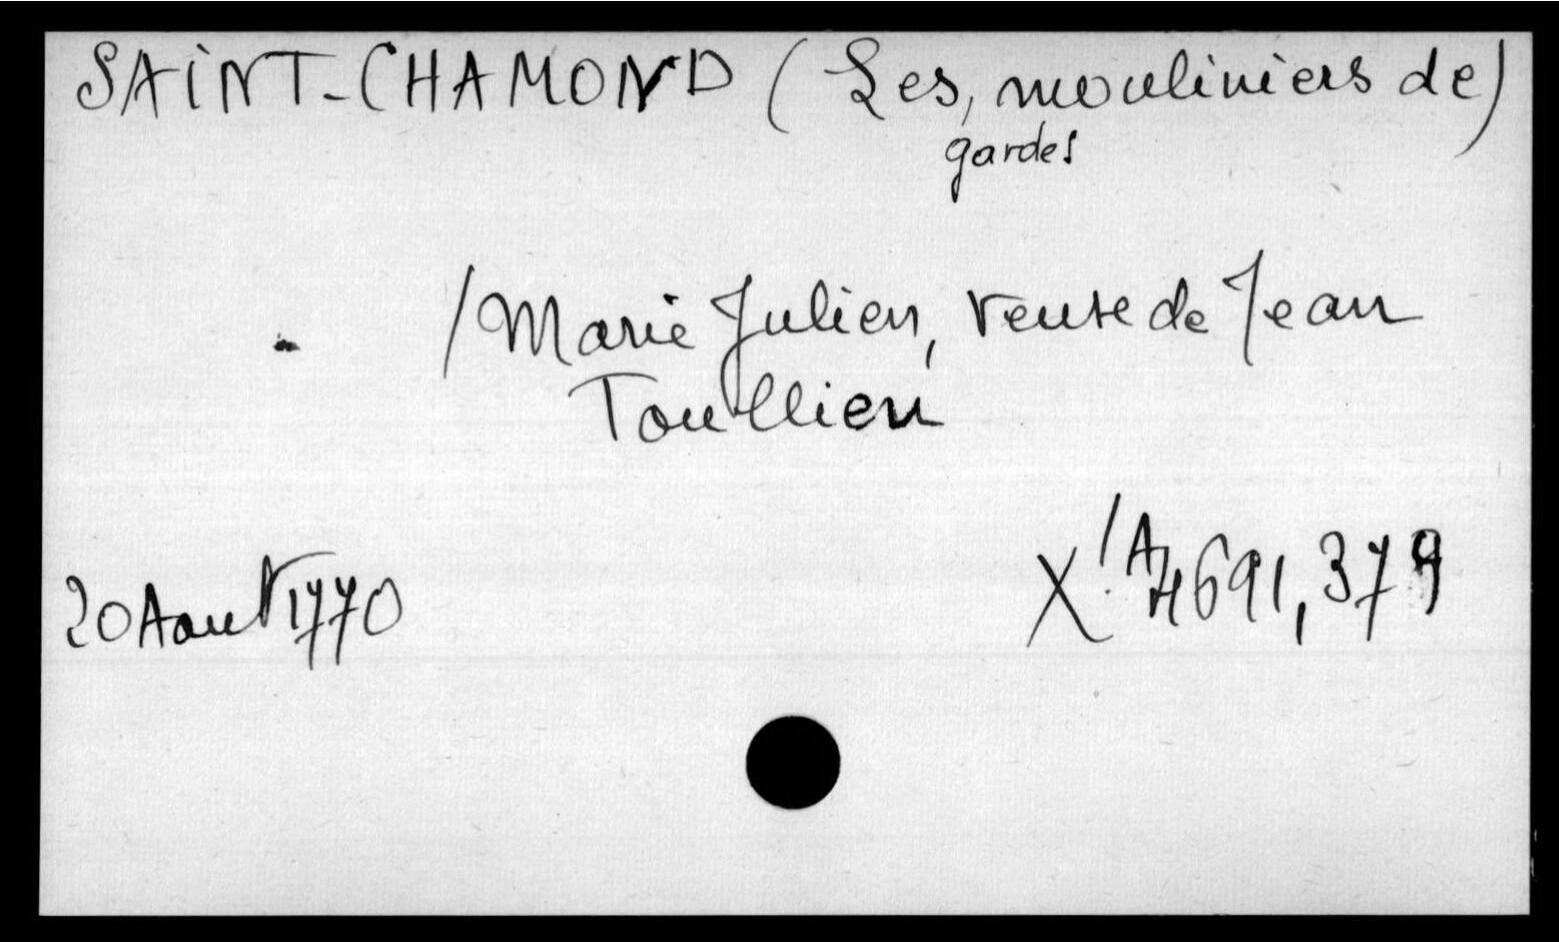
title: SAINT-CHAMOND (Les gardes mouliniers de)
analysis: Contre Marie Julien, veuve de Jean Toullien
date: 20 août 1770
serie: X1A
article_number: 4691
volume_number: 379
